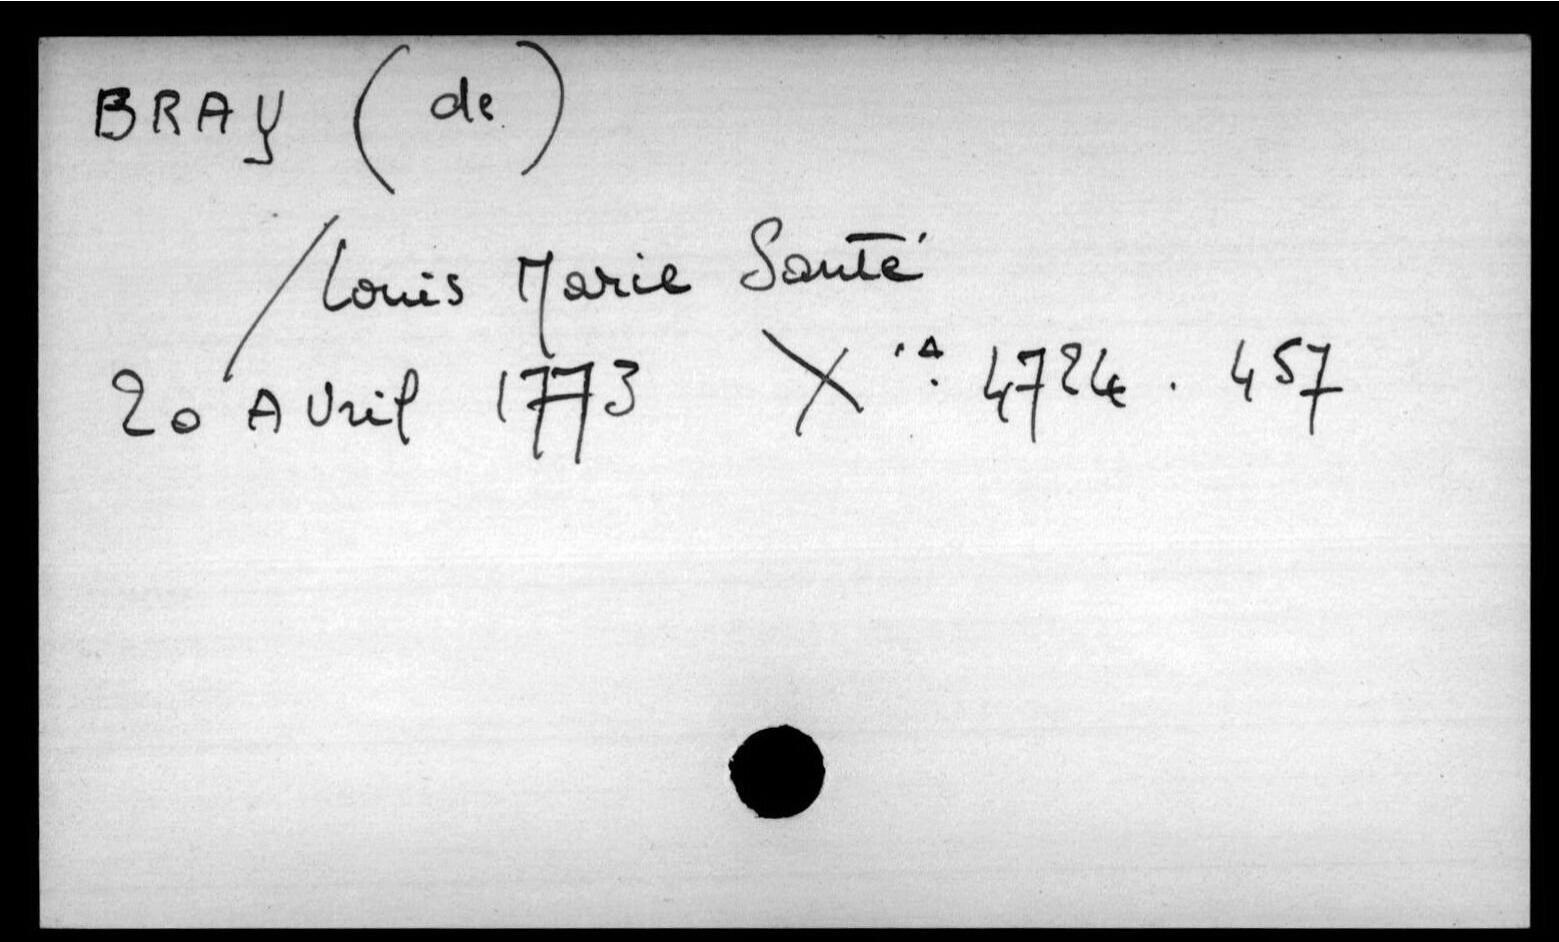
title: BRAY (de)
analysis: Contre Louis Marie Santé
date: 20 avril 1773
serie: X1a
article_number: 4724
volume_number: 457
